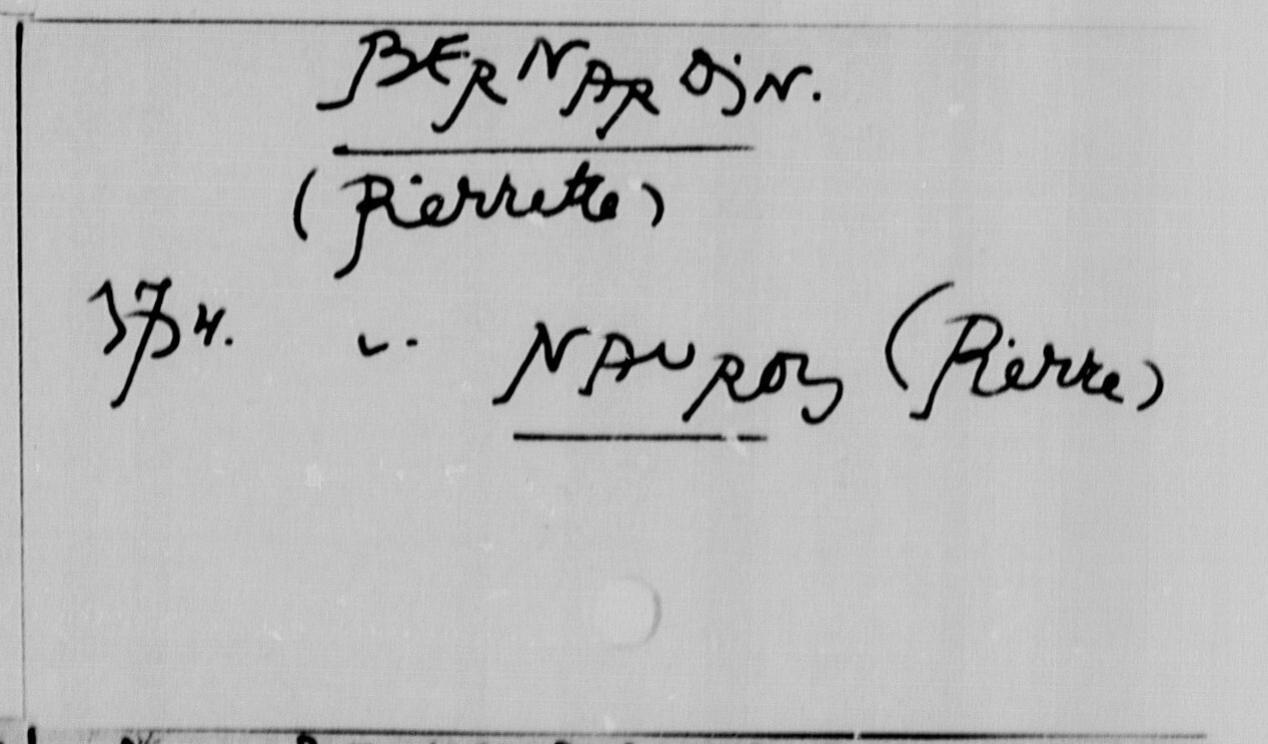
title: BERNARDIN (Pierrette)
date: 1704
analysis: Voir Nauroy (Pierre)
